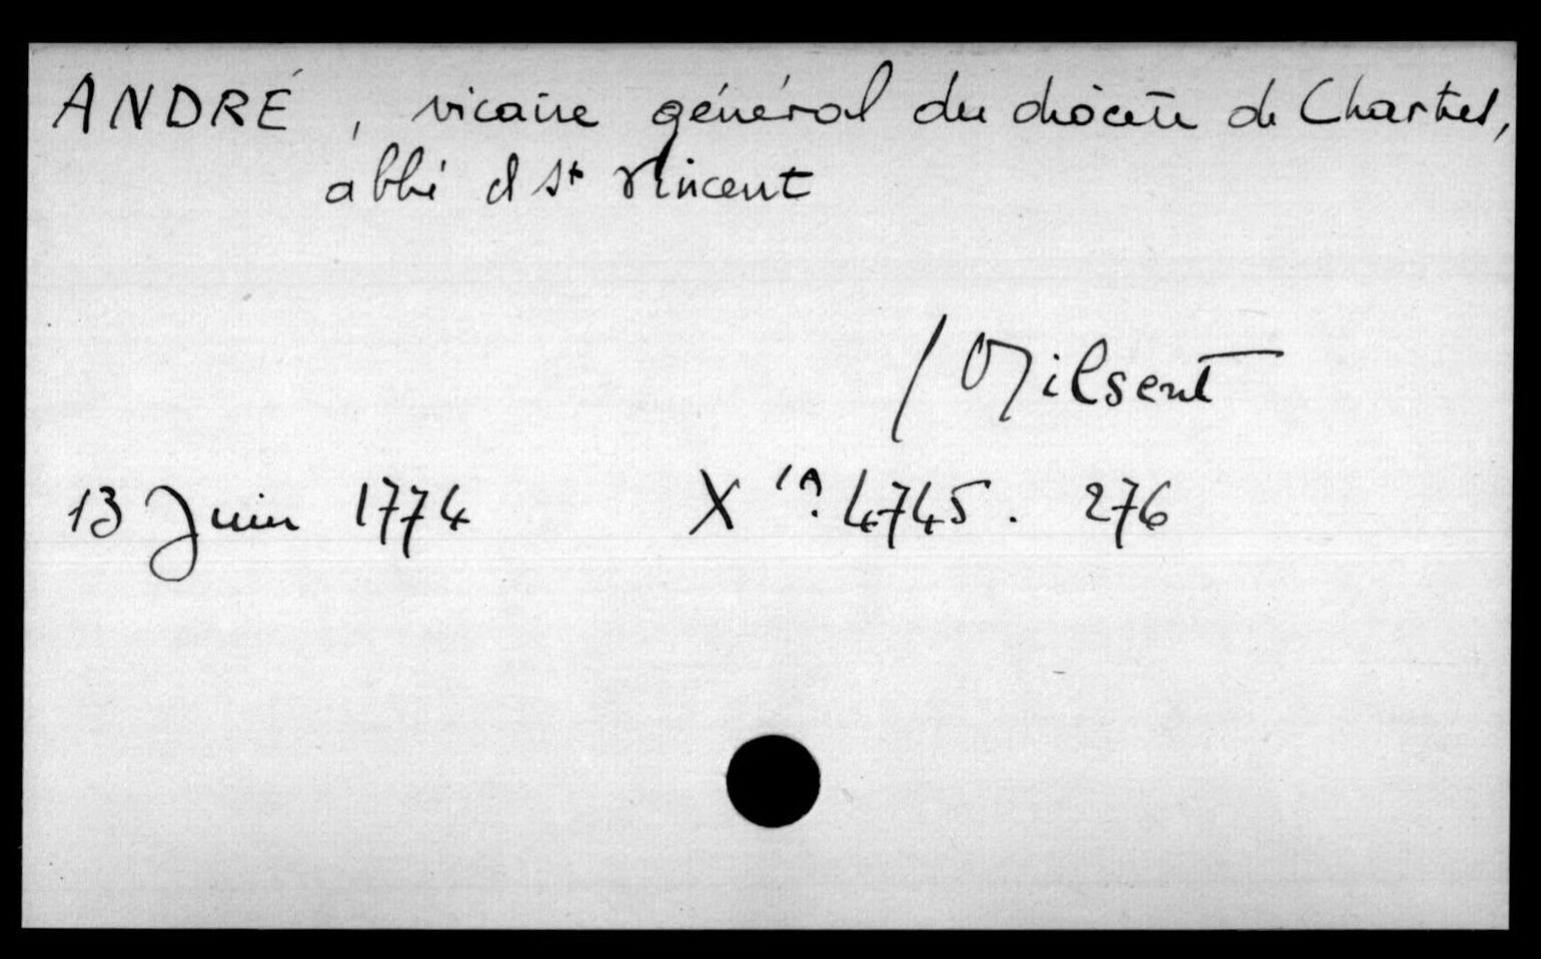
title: ANDRÉ, vicaire général du diocèse de Chartres, abbé de Saint Vincent
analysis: Contre Milsent
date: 13 juin 1774
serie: X1A
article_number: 4745
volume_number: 276
